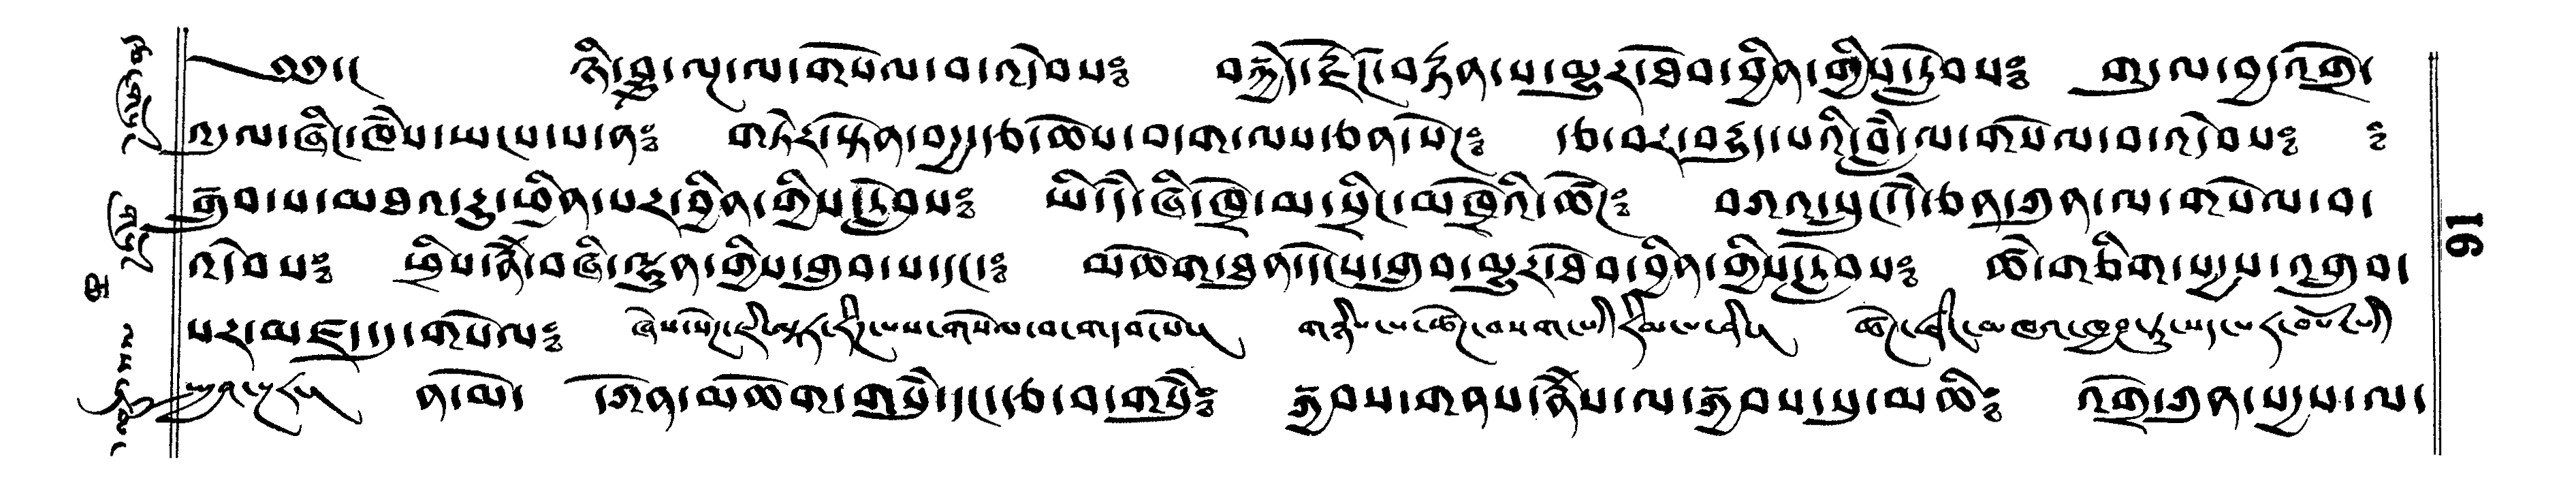ཉི་ཤུ་ལྔ་ལ་གསོལ་བ་འདེབས༔ བསྐྱེད་རྫོགས་བརྟན་པ་མྱུར་ཐོབ་བྱིན་གྱིས་རློབས༔ གདུལ་བྱ་འགྲོ་
འདུལ་ཞིང་ཁམས་ཡངས་པ་ན༔ གཏེར་སྟོན་བརྒྱ་རྩ་ཆོས་བདག་ལས་ཅན་སོགས༔ རྩ་བ་བརྒྱུད་པའི་བླ་མ་ལ་གསོལ་བ་འདེབས༔ 
སྒྲུབ་པ་མཐའ་རུ་ཕྱིན་པར་བྱིན་གྱིས་རློབས༔ ཡི་དམ་ཞི་ཁྲོ་མ་སྲིང་མཁའ་འགྲོའི་ཚོགས༔ བཀའ་སྲུང་དམ་ཅན་ཀུན་ལ་གསོལ་བ་
འདེབས༔ ཕྲིན་ལས་རྣམབཞི་ལྷུན་གྱིས་གྲུབ་པ་དང༔ མཆོག་ཐུན་དངོས་གྲུབ་མྱུར་ཐོབ་བྱིན་གྱིས་རློབསཿ ཚེ་གཅིག་སངས་རྒྱས་འགྲུབ་
པར་མཛད་དུ་གསོལ༔ ཞེས་སོགས་ཇི་ལྟར་རིགས་པས་གསོལ་བ་གདབ་པོ། གཉིས་པ་ཚོགས་གསོག་པའི་རིམ་པ་ནི། ཚོགས་ཞིང་མཁའ་ཁྱབ་ཏུ་སད་པར་བསམ་པའི་
སྤྱན་སྔར། ན་མོ༔ དཀོན་མཆོག་གསུམ་དང་རྩ་བ་གསུམ༔ སྐྱབས་གནས་རྣམས་ལ་སྐྱབས་སུ་མཆི༔ འགྲོ་ཀུན་སངས་རྒྱས་ལ་